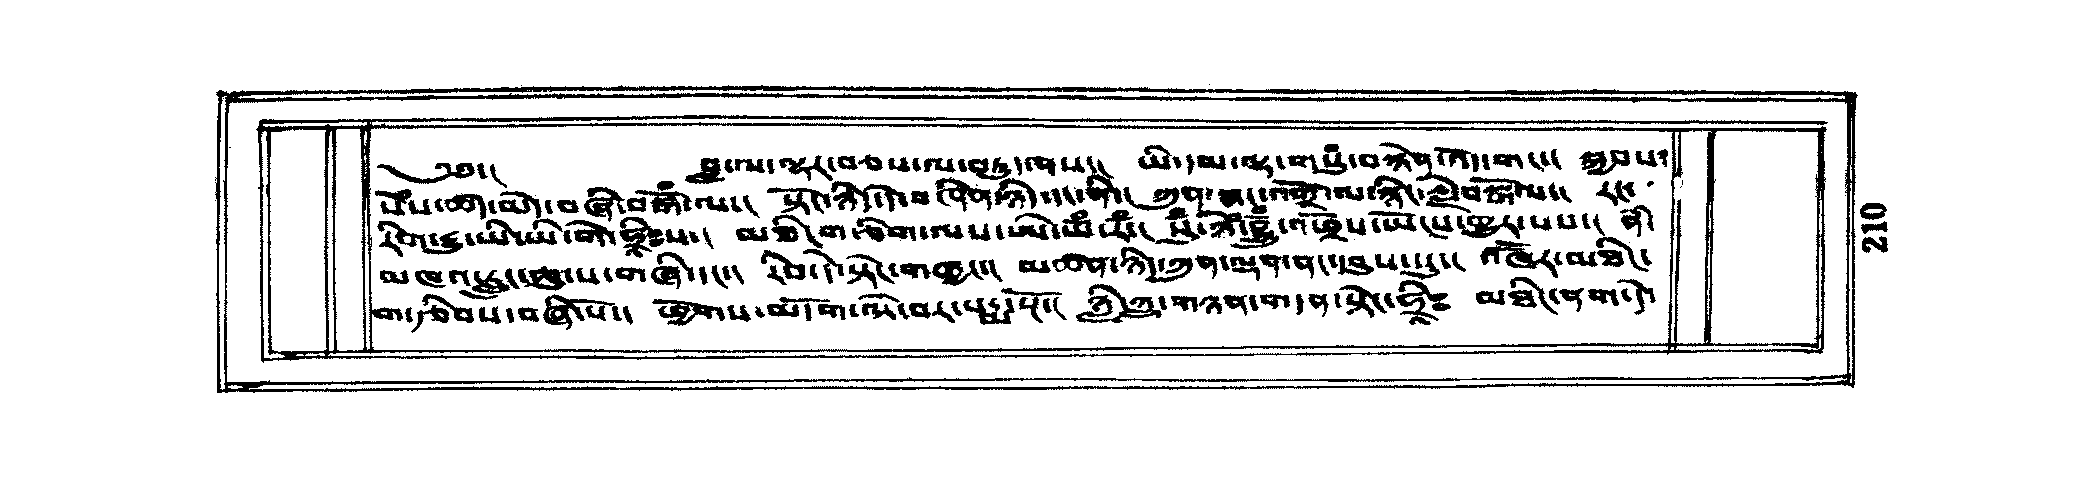༄༅། བླ་མ་ལྷར་བཅས་ལ་བཏུད་ནས། ཡི་དམ་ལྷ་གསུམ་བསྙེན་འོད་གང་། སྐྱབས་
སེམས་ཚད་མེད་བཞི་བསྒོམ་ལ། སྟོང་ཉིད་དེ་བཞིན་ཉིད་དང་ནི། ཀུན་སྣང་འགྲོ་ལ་སྙིང་རྗེ་བསྒོམ། རང་
རིག་རྒྱུ་ཡི་ཡི་གེ་ཧྲཱིཿཔ། མཐིང་ནག་ཅིག་ལ་ལས་ཨེ་ཡྃ་བྃ། སུྃ་ཀེཾ་བྷྲུྃ་འཕྲོས་ཡོངས་གྱུར་པས། ནམ་
མཁའ་རླུང་ཆུ་པ་གཞི་དང་། རིབ་དེ་སྟེང་གཞལ་ཡས་ཁང་། མཚན་ཉིད་ཀུན་ལྡན་ནང་དབུས་སུ འཁོར་ལོ་མཐིང་
ག་རྩིབས་བཞི་པོ། ཕྱོགས་མདོག་ལྟེ་བར་པདྨ་སྔོ། ཉི་ཟླ་ཀླུ་གཉན་གདན་སྟེང་ཧྲཱིཿ མཐིང་ནག་ད་